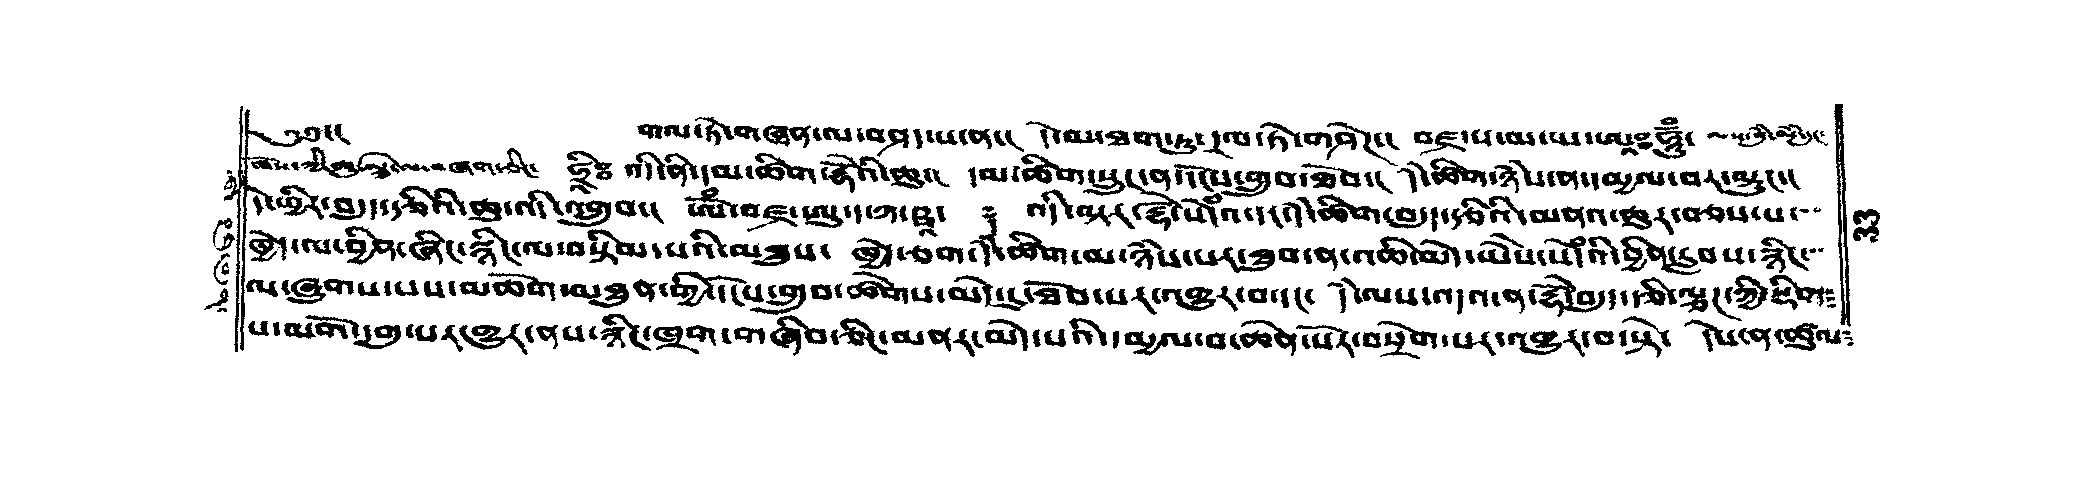གལ་ཏེ་གཞན་ལ་བཤད་པ་ན། དེ་མ་ཐག་ཏུ་དྲོལ་ཏེ་གཤེགས། བཛྲ་ས་མ་ཡ་ཨཱཿཧཱུྃ། ལས་བུམ་མམ་དུང་
ཆོས་ཀྱི་ཆུ་ལྕེ་ལ་བཞག་ཅིང་། ཧྲཱིཿ འདི་ནི་དམ་ཚིག་རྡོ་རྗེའི་ཆུ། དམ་ཚིག་སྲུང་ན་དངོས་གྲུབ་ཐོབ། དམ་ཚིག་ཉམས་ན་དམྱལ་བར་ལྟུང་། 
དེ་ཕྱིར་བདུད་རྩིའི་ཆུ་འདི་འགྲུབ། ཨོཾ་བཛྲ་ཨུ་ད་ཀ་ཋཱ། ༈ འདི་ལྟར་རྡོ་རྗེ་སེམས་དཔའ་དང་དམ་ཚིག་བདུད་རྩིའི་མནའ་ཆུར་བཅས་པ་
ཁྱེད་ལ་བྱིན་ཞིང་སྙིང་ལ་བསྟིམ་པའི་མཐུས། ཁྱེད་ཅག་དམ་ཚིག་མ་ཉམས་པར་ཐུབ་ན་འཆི་མེད་ཡེ་ཤེས་སེམས་དཔའི་བྱིན་རླབས་སྙིང་
ལ་ཞུགས་པས་མཆོག་མཐུན་གྱི་དངོས་གྲུབ་ཚོགས་མེད་དུ་ཐོབ་པར་འགྱུར་བ་དང་། དམ་ལས་འདའ་ན་རྡོ་རྗེ་བདུད་རྩི་ལྕགས་ཀྱི་སྡིག་
པ་མགོ་དགུ་པར་གྱུར་ནས་སྙིང་ཁྲག་གཞིབ་ཅིང་མནར་མེད་པའི་དམྱལ་བ་ཆེན་པོར་བསྲེག་པར་འགྱུར་བ་སྟེ། དེས་ན་ཚུལ་